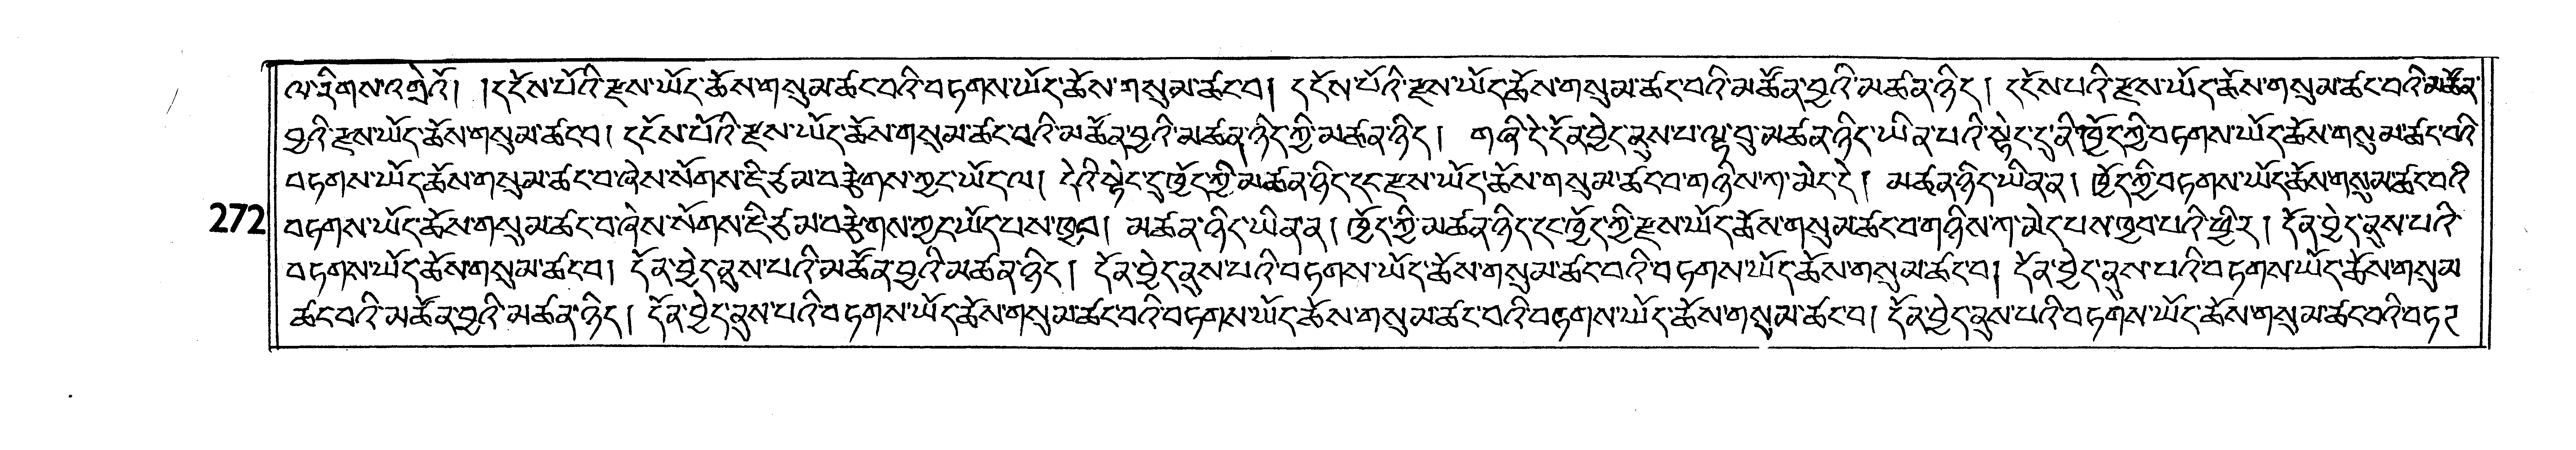ལ་རིགས་འགྲེའོ། །དངོས་པོའི་རྫས་ཡོད་ཆོས་གསུམ་ཚང་བའི་བཏགས་ཡོད་ཆོས་གསུམ་ཚང་བ། དངོས་པོའི་རྫས་ཡོད་ཆོས་གསུམ་ཚང་བའི་མཚོན་བྱའི་མཚན་ཉིད། དངོས་པོའི་རྫས་ཡོད་ཆོས་གསུམ་ཚང་བའི་མཚོན་
བྱའི་རྫས་ཡོད་ཆོས་གསུམ་ཚང་བ། དངོས་པོའི་རྫས་ཡོད་ཆོས་གསུམ་ཚང་བའི་མཚོན་བྱའི་མཚན་ཉིད་ཀྱི་མཚན་ཉིད། གཞི་དེ་དོན་བྱེད་ནུས་པ་ལྟ་བུ་མཚན་ཉིད་ཡིན་པའི་སྟེང་དུ་ནི་ཁྱོད་ཀྱི་བཏགས་ཡོད་ཆོས་གསུམ་ཚང་བའི་
བཏགས་ཡོད་ཆོས་གསུམ་ཚང་བ་ཞེས་སོགས་ཇི་ཙམ་བརྩེགས་ཀྱང་ཡོད་ལ། དེའི་སྟེང་དུ་ཁྱོད་ཀྱི་མཚན་ཉིད་དང་རྫས་ཡོད་ཆོས་གསུམ་ཚང་བ་གཉིས་ཀ་མེད་དེ། མཚན་ཉིད་ཡིན་ན། ཁྱོད་ཀྱི་བཏགས་ཡོད་ཆོས་གསུམ་ཚང་བའི་
བཏགས་ཡོད་ཆོས་གསུམ་ཚང་བ་ཞེས་སོགས་ཇི་ཙམ་བརྩེགས་ཀྱང་ཡོད་པས་ཁྱབ། མཚན་ཉིད་ཡིན་ན། ཁྱོད་ཀྱི་མཚན་ཉིད་དང་ཁྱོད་ཀྱི་རྫས་ཡོད་ཆོས་གསུམ་ཚང་བ་གཉིས་ཀ་མེད་པས་ཁྱབ་པའི་ཕྱིར། དོན་བྱེད་ནུས་པའི་
བཏགས་ཡོད་ཆོས་གསུམ་ཚང་བ། དོན་བྱེད་ནུས་པའི་མཚོན་བྱའི་མཚན་ཉིད། དོན་བྱེད་ནུས་པའི་བཏགས་ཡོད་ཆོས་གསུམ་ཚང་བའི་བཏགས་ཡོད་ཆོས་གསུམ་ཚང་བ། དོན་བྱེད་ནུས་པའི་བཏགས་ཡོད་ཆོས་གསུམ་
ཚང་བའི་མཚོན་བྱའི་མཚན་ཉིད། དོན་བྱེད་ནུས་པའི་བཏགས་ཡོད་ཆོས་གསུམ་ཚང་བའི་བཏགས་ཡོད་ཆོས་གསུམ་ཚང་བའི་བཏགས་ཡོད་ཆོས་གསུམ་ཚང་བ། དོན་བྱེད་ནུས་པའི་བཏགས་ཡོད་ཆོས་གསུམ་ཚང་བའི་བཏཌ་